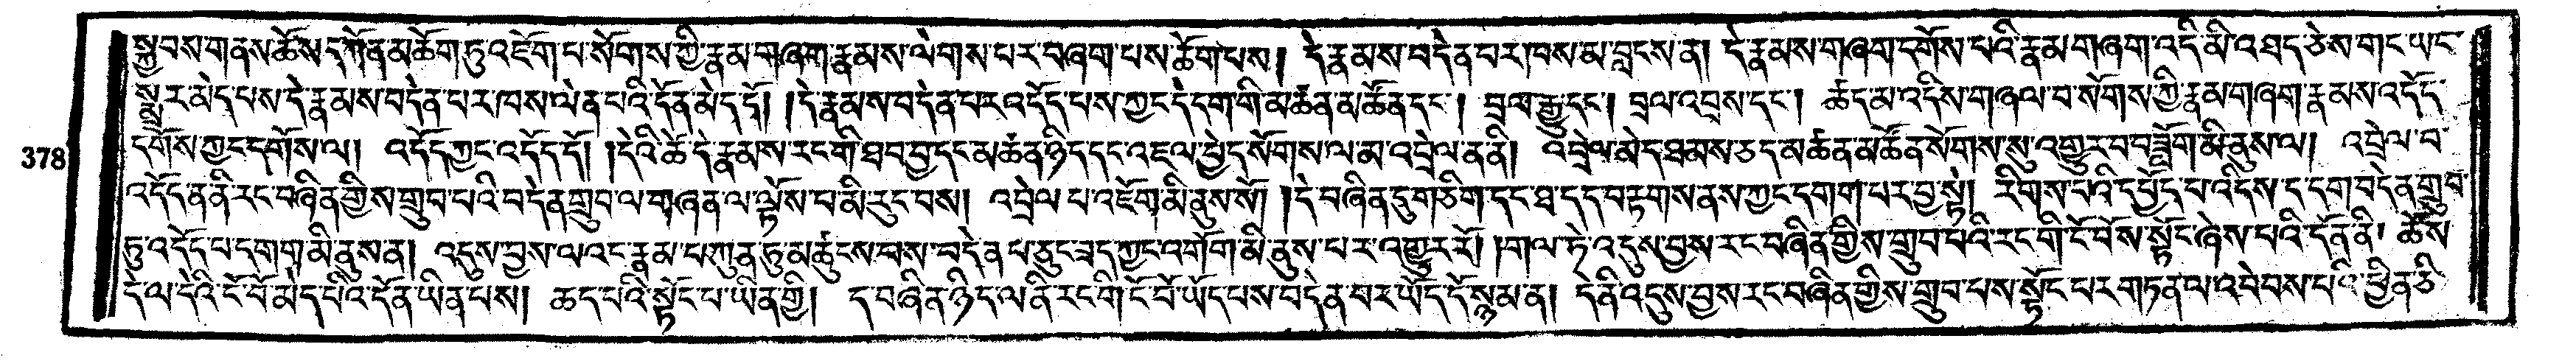སྐྱབས་གནས་ཆོས་དཀོན་མཆོག་ཏུ་འཇོག་པ་སོགས་ཀྱི་རྣམ་གཞག་རྣམས་ལེགས་པར་བཞག་པས་ཆོག་པས། དེ་རྣམས་བདེན་བར་ཁས་མ་བླངས་ན། དེ་རྣམས་གཞག་དགོས་པའི་རྣམ་གཞག་འདི་མི་འཐད་ཅེས་གང་ཡང་
སྨྲར་མེད་པས་དེ་རྣམས་བདེན་པར་ཁས་ལེན་པའི་དོན་མེད་དོ། །དེ་རྣམས་བདེན་པར་འདོད་པས་ཀྱང་དེ་དག་གི་མཚན་མཚོན་དང་། བྲལ་རྒྱུ་དང་། བྲལ་འབྲས་དང་། ཚད་མ་འདིས་གཞལ་བ་སོགས་ཀྱི་རྣམ་གཞག་རྣམས་འདོད་
དགོས་ཀྱང་དགོས་ལ། འདོད་ཀྱང་འདོད་དོ། །དེའི་ཚེ་དེ་རྣམས་རང་གི་ཐབ་བྱ་དང་མཚན་ཉིད་དང་འཇལ་བྱེད་སོགས་ལ་མ་འབྲེལ་ན་ནི། འབྲེལ་མེད་ཐམས་ཅད་མཚན་མཚོན་སོགས་སུ་འགྱུར་བ་བཟློག་མི་ནུས་ལ། འབྲེལ་བ་
འདོད་ན་ནི་རང་བཞིན་གྱིས་གྲུབ་པའི་བདེན་གྲུབ་ལ་གཞན་ལ་ལྟོས་པ་མི་རུང་བས། འབྲེལ་པ་འཇོག་མི་ནུས་སོ། །དེ་བཞིན་དུ་གཅིག་དང་ཐ་དད་བརྟགས་ནས་ཀྱང་དགག་པར་བྱ་སྟེ། རིགས་པའི་དཔྱོད་པ་འདིས་ད་དག་བདེན་གྲུབ་
ཏུ་འདོད་པ་དགག་མི་ནུས་ན། འདུས་བྱས་ལའང་རྣམ་པ་ཀུན་ཏུ་མཚུངས་པས་བདེན་པ་ཅུང་ཟད་ཀྱང་འགོག་མི་ནུས་པར་འགྱུར་རོ། །གལ་ཏེ་འདུས་བྱས་རང་བཞིན་གྱིས་གྲུབ་པའི་རང་གི་ངོ་བོས་སྟོང་ཞེས་པའི་དོན་ནི། ཆོས་
དེ་ལ་དེའི་ངོ་བོ་མེད་པའི་དོན་ཡིན་པས། ཆད་པའི་སྟོང་པ་ཡིན་གྱི། ད་བཞིན་ཉིད་ལ་ནི་རང་གི་ངོ་བོ་ཡོད་པས་བདེན་པར་ཡོད་དོ་སྙམ་ན། དེ་ནི་འདུས་བྱས་རང་བཞིན་གྱིས་གྲུབ་པས་སྟོང་པར་གཏན་ལ་འབེབས་པའི་ཕྱིན་ཅི་